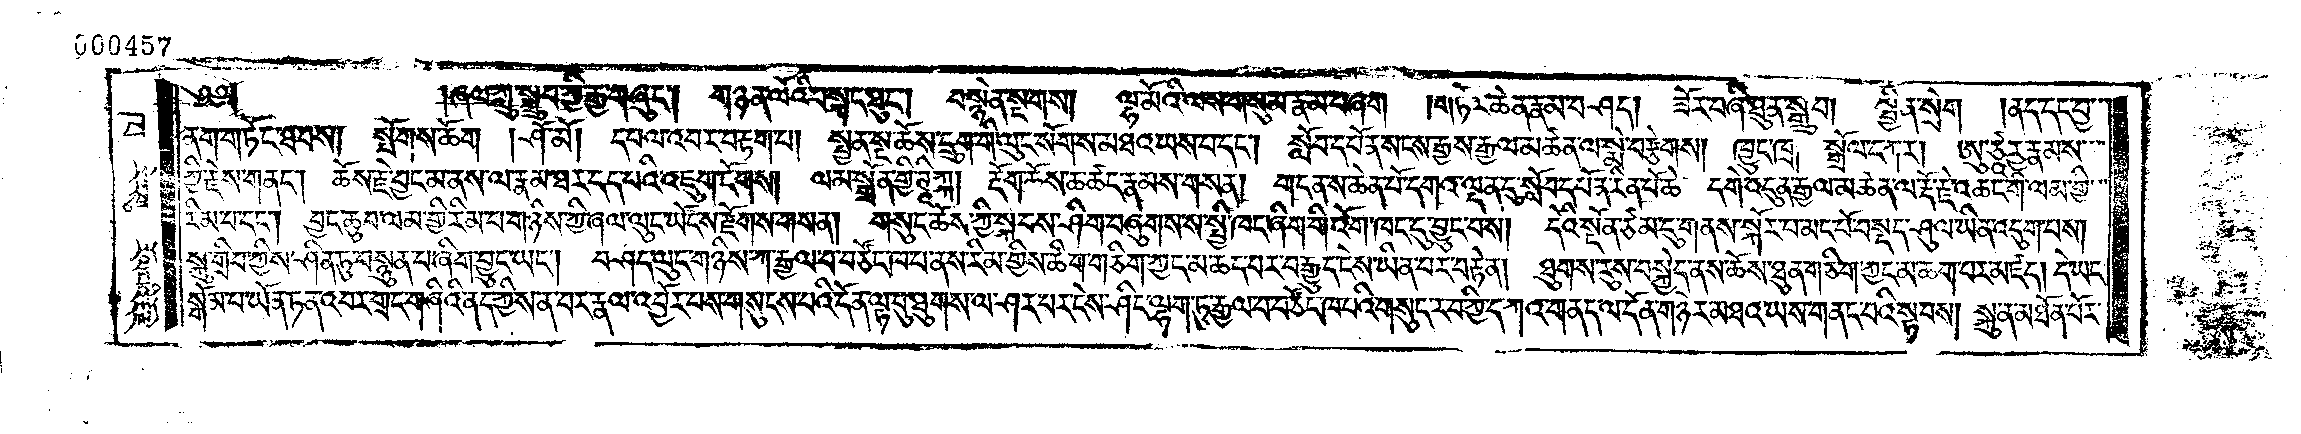༄༅། །ཞལ་ཀླུ་སྒྲུབ་ཀྱི་རྒྱ་གཞུང་། གཉན་ལོའི་བསྐང་ཐུང་། བསྙེན་སྔགས། ལྷ་མོའི་ལས་གསུམ་རྣམ་བཞག །གཏོར་ཆེན་རྣམ་བཤད། ཟོར་བཞི་ཐུན་སྒྲུབ། སྦྱིན་སྲེག །ནད་དང་བྱ་
ནག་གཏོང་ཐབས། སྤོགས་ཆོག །ཤོ་མོ། དཔལ་འབར་བརྟག་པ། སྤྱན་སྔ་ཆོས་དྲུག་གི་ལུང་སོགས་མཐའ་ཡས་པ་དང་། སློབ་དཔོན་སངས་རྒྱས་རྒྱལ་མཚན་ལ་སྨེ་བརྩེགས། ཁྱུང་ཁྲ། སྒྲོལ་དཀར། ཨུ་ཙཱརྱ་རྣམས་
ཀྱི་རྗེས་གནང་། ཆོས་རྗེ་བྱང་མ་ནས་ལ་རྣམ་ཐར་དད་པའི་འཇུག་ངོགས། ལམ་སྒྲོན་གྱི་ཊཱིཀྐ། རྡོག་ཆོས་ཆ་ཚང་རྣམས་གསན། གདན་ས་ཆེན་པོ་དགའ་ལྡན་དུ་སློབ་དཔོན་རིན་པོ་ཆེ་དགེ་འདུན་རྒྱལ་མཚན་ལ་རྡོ་རྗེ་འཆང་གི་ལམ་གྱི་
རིམ་པ་དང་། བྱང་ཆུབ་ལམ་གྱི་རིམ་པ་གཉིས་ཀྱི་ཞལ་ལུང་ཡོངས་རྫོགས་གསན། གསུང་ཆོས་ཀྱི་སྐབས་ཤིག་བཞུགས་ས་སྤྱི་ཁང་ཞིག་གི་འོག་ཁང་དུ་བྱུང་བས། དེའི་སྔོན་ཙམ་དུ་གནས་སྐོར་པ་མང་པོ་བསྡད་ཤུལ་ཡིན་འདུག་པས།
སྐུ་གྲིབ་ཀྱིས་ཤིན་ཏུ་བསྙུན་པ་ཞིག་བྱུང་ཡང་། བཤད་ལུང་གཉིས་ཀ་རྒྱལ་བ་བཙོང་ཁ་པ་ནས་རིམ་གྱིས་ཚིག་གཅིག་ཀྱང་མ་ཆད་པར་བརྒྱུད་ངེས་ཡིན་པར་བརྟེན། ཐུགས་རུས་བསྐྱེད་ནས་ཆོས་ཐུན་གཅིག་ཀྱང་མ་ཆག་པར་མཛད། དེ་ཡང་
སྒོམ་པ་ཡོན་ཏན་འབར་གྲང་གཞིའི་ནད་ཀྱིས་ན་བར་རྣལ་འབྱོར་པས་གསུངས་པའི་དོན་ལྟ་བུ་ཐུགས་ལ་ཤར་པར་ངེས་ཤིང་ལྷག་ཏུ་རྒྱལ་བ་བཙོང་ཁ་པའི་གསུང་རབ་ཀྱི་དཀའ་གནད་ལ་དོན་གཉེར་མཐའ་ཡས་གནང་བའི་སྟབས། སྐུ་ན་མཐོན་པོར་